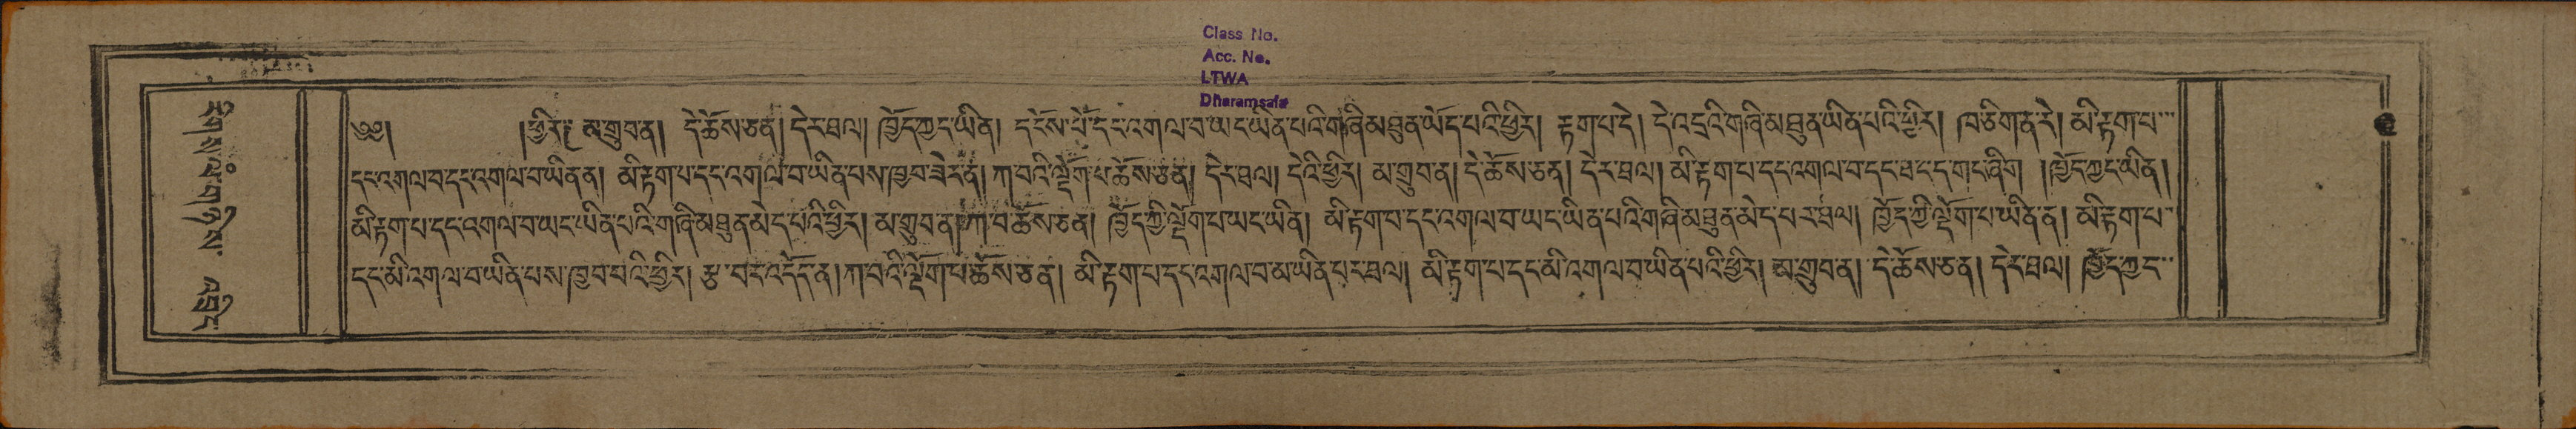༄༅། །ཕྱིར༑ མ་གྲུབ་ན། དེ་ཆོས་ཅན། དེར་ཐལ། ཁྱོད་ཀྱང་ཡིན། དངོས་པོ་དང་འགལ་བ་ཡང་ཡིན་པའི་གཞི་མཐུན་ཡོད་པའི་ཕྱིར། རྟག་པ་དེ། དེ་འདྲའི་གཞི་མཐུན་ཡིན་པའི་ཕྱིར། ཁ་ཅིག་ན་རེ། མི་རྟག་པ་
དང་འགལ་བ་དང་འགལ་བ་ཡིན་ན། མི་རྟག་པ་དང་འགལ་བ་ཡིན་པས་ཁྱབ་ཟེར་ན། ཀ་བའི་ལྡོག་པ་ཆོས་ཅན། དེར་ཐལ། དེའི་ཕྱིར། མ་གྲུབ་ན། དེ་ཆོས་ཅན། དེར་ཐལ། མི་རྟག་པ་དང་འགལ་བ་དང་ཐ་དད་གང་ཞིག །ཁྱོད་ཀྱང་ཡིན།
མི་རྟག་པ་དང་འགལ་བ་ཡང་ཡིན་པའི་གཞི་མཐུན་མེད་པའི་ཕྱིར། མ་གྲུབ་ན། ཀ་བ་ཆོས་ཅན། ཁྱོད་ཀྱི་ལྡོག་པ་ཡང་ཡིན། མི་རྟག་པ་དང་འགལ་བ་ཡང་ཡིན་པའི་གཞི་མཐུན་མེད་པར་ཐལ། ཁྱོད་ཀྱི་ལྡོག་པ་ཡིན་ན། མི་རྟག་པ་
དང་མི་འགལ་བ་ཡིན་པས་ཁྱབ་པའི་ཕྱིར། རྩ་བར་འདོད་ན། ཀ་བའི་ལྡོག་པ་ཆོས་ཅན། མི་རྟག་པ་དང་འགལ་བ་མ་ཡིན་པར་ཐལ། མི་རྟག་པ་དང་མི་འགལ་བ་ཡིན་པའི་ཕྱིར། མ་གྲུབ་ན། དེ་ཆོས་ཅན། དེར་ཐལ། ཁྱོད་ཀྱང་